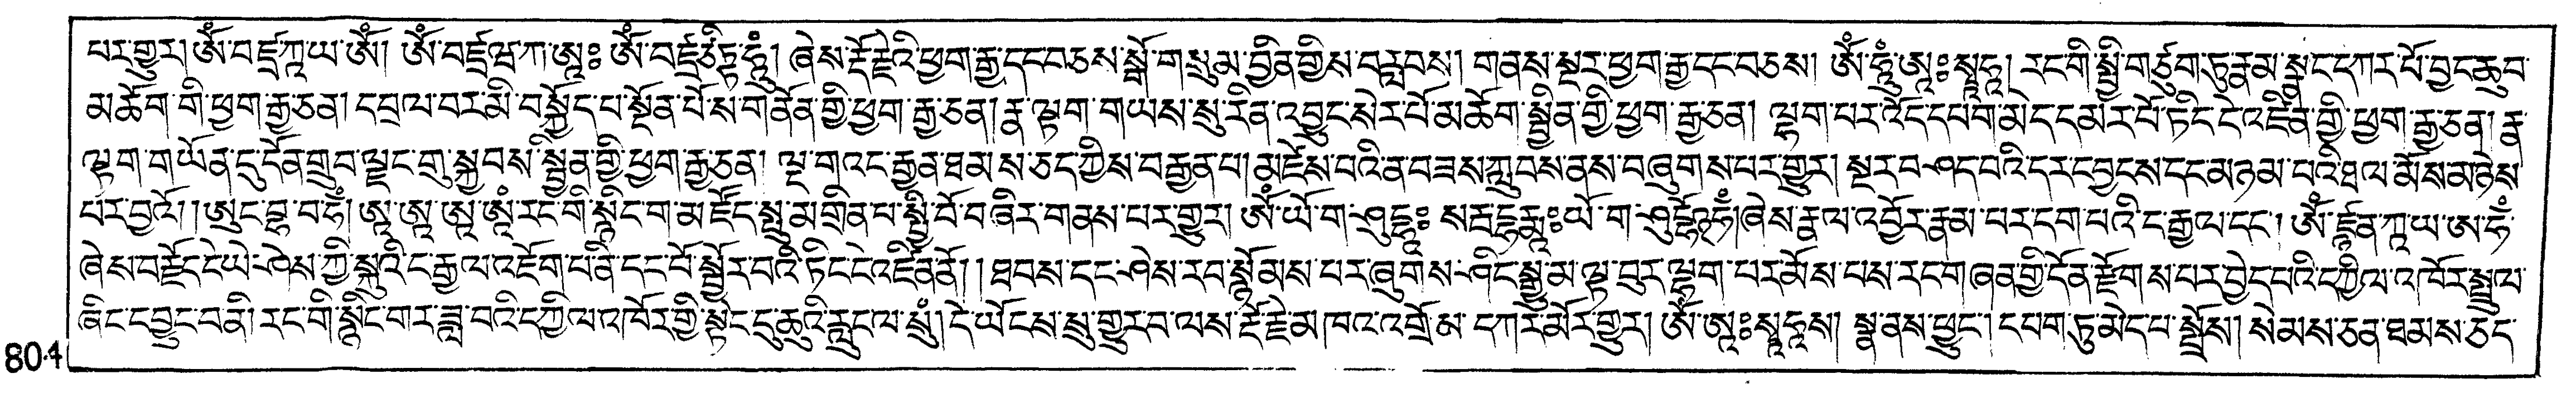པར་གྱུར། ཨོཾ་བཛྲ་ཀཱ་ཡ་ཨོཾ། ཨོཾ་བཛྲ་ཝ་ཀ་ཨཱཿ ཨོཾ་བཛྲ་ཙིཏྟ་ཧཱུཾ། ཞེས་རྡོ་རྗེའི་ཕྱག་རྒྱ་དང་བཅས་སྒོ་གསུམ་བྱིན་གྱིས་བརླབས། གནས་སྔར་ཕྱག་རྒྱ་དང་བཅས། ཨོཾ་ཧཱུཾ་ཨཱཿ སྭཱཧཱ། རང་གི་སྤྱི་གཙུག་ཏུ་རྣམ་སྣང་དཀར་པོ་བྱང་ཆུབ་
མཆོག་གི་ཕྱག་རྒྱ་ཅན། དཔྲལ་བར་མི་བསྐྱོད་པ་སྔོན་པོ་ས་གནོན་གྱི་ཕྱག་རྒྱ་ཅན། རྣ་ལྟག་གཡས་སུ་རིན་འབྱུང་སེར་པོ་མཆོག་སྦྱིན་གྱི་ཕྱག་རྒྱ་ཅན། ལྷག་པར་འོད་དཔག་མེད་དམར་པོ་ཏིང་ངེ་འཛིན་གྱི་ཕྱག་རྒྱ་ཅན། རྣ་
ལྟག་གཡོན་དུ་དོན་གྲུབ་ལྗང་གུ་སྐྱབས་སྦྱིན་གྱི་ཕྱག་རྒྱ་ཅན། ལྔ་གའང་རྒྱན་ཐམས་ཅད་ཀྱིས་བརྒྱན་པ། མཛེས་པའི་ན་བཟས་ཀླུབས་ནས་བཞུགས་པར་གྱུར། སྔར་བཤད་པའི་དར་དབྱངས་དང་མཉམ་པའི་ཐལ་མོས་མཉེས་
པར་བྱའོ། །ཨུང་བྷ་བ་ཧཾ། ཨཱ་ཨཱ་ཨཱ་ཨཱཾ་རང་གི་སྙིང་ག་མཛོད་སྤུ་མགྲིན་པ་སྤྱི་བོ་བཞིར་གནས་པར་གྱུར། ཨོཾ་ཡོ་ག་ཤུདྷཱཿ སརྦ་དྷ་རྨཱཿ ཡོ་ག་ཤུདྷོཉ་ཧཾ། ཞེས་རྣལ་འབྱོར་རྣམ་པར་དག་པའི་ང་རྒྱལ་དང་། ཨོཾ་ཛྙ་ན་ཀཱ་ཡ་ཨ་ཧཾ་
ཞེས་བརྗོད་དེ་ཡེ་ཤེས་ཀྱི་སྐུའི་ང་རྒྱལ་འཇོག་པ་ནི་དང་པོ་སྦྱོར་བའི་ཏིང་ངེ་འཛིན་ནོ། །ཐབས་དང་ཤེས་རབ་སྙོམས་པར་ཞུགས་ཤིང་སྒྱུ་མ་ལྟ་བུར་ལྷག་པར་མོས་པས་རང་གཞན་གྱི་དོན་རྫོགས་པར་བྱེད་པའི་དཀྱིལ་འཁོར་སྤྲུལ་
ཞིང་དབྱུང་བ་ནི། རང་གི་སྙིང་གར་ཟླ་བའི་དཀྱིལ་འཁོར་གྱི་སྟེང་དུ་ཆུའི་རླུང་ལ་སུཾ། དེ་ཡོངས་སུ་གྱུར་པ་ལས་རྡོ་རྗེ་མཁའ་འགྲོ་མ་དཀར་མོར་གྱུར། ཨོཾ་ཨཱཿ སྭཱཧཱས། སྣ་ནས་ཕྱུང་། དཔག་ཏུ་མེད་པ་སྤྲོས། སེམས་ཅན་ཐམས་ཅད་